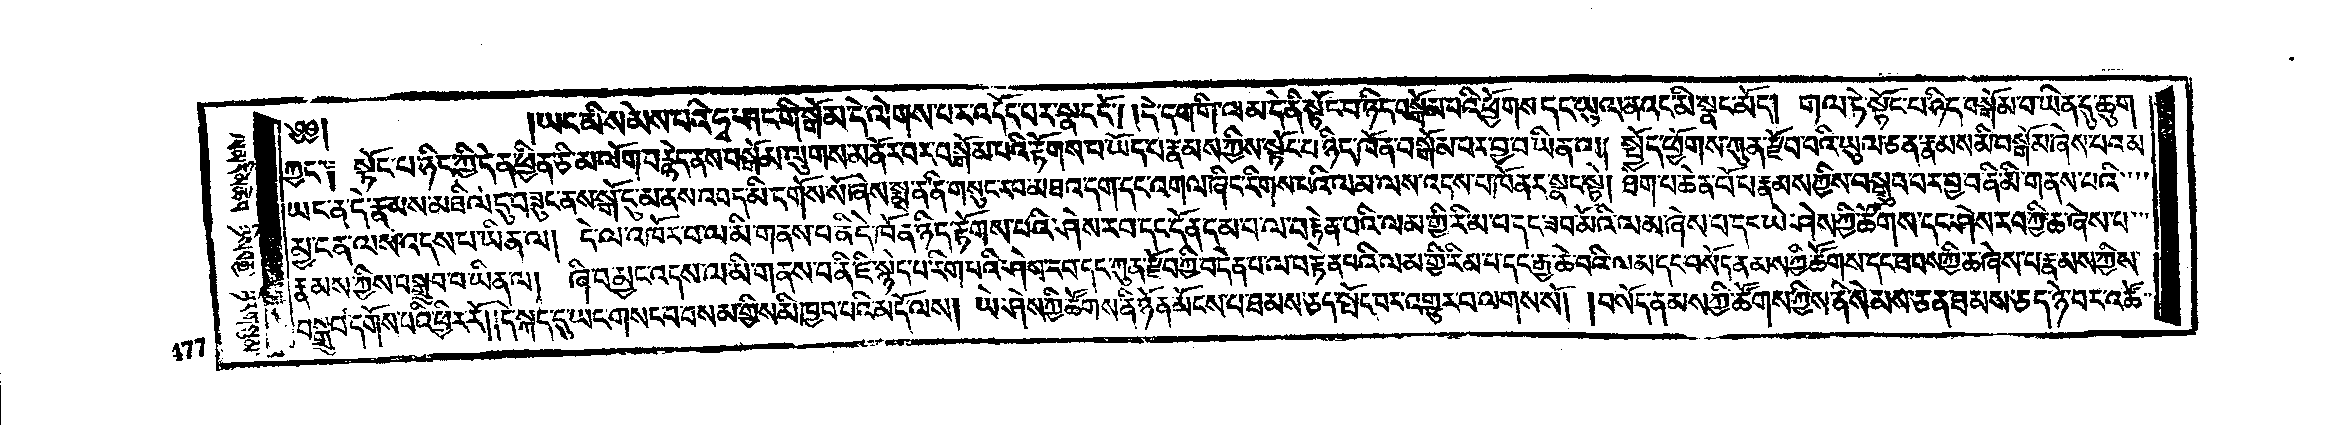༄༅། །ཡང་མི་སེམས་པའི་ཧྭ་ཤང་གི་སྒོམ་དེ་ལེགས་པར་འདོད་པར་སྣང་ངོ། །དེ་དག་གི་ལམ་དེ་ནི་སྟོང་པ་ཉིད་བསྒོམ་པའི་ཕྱོགས་དང་ཡུལ་ནའང་མི་སྣང་མོད། གལ་ཏེ་སྟོང་པ་ཉིད་བསྒོམ་པ་ཡིན་དུ་ཆུག་
ཀྱང༑ སྟོང་པ་ཉིད་ཀྱི་དོན་ཕྱིན་ཅི་མ་ལོག་པ་རྙེད་ནས་བསྒོམ་ལུགས་མ་ནོར་བར་བསྒོམ་པའི་རྟོགས་པ་ཡོད་པ་རྣམས་ཀྱིས་སྟོང་པ་ཉིད་ཁོ་ན་བསྒོམ་པར་བྱ་བ་ཡིན་ལ། སྤྱོད་ཕྱོགས་ཀུན་རྫོབ་པའི་ཡུལ་ཅན་རྣམས་མི་བསྒོམ་ཞེས་པའམ་
ཡང་ན་དེ་རྣམས་མཐིལ་དུ་བཟུང་ནས་སྒོ་དུ་མ་ནས་འབད་མི་དགོས་སོ་ཞེས་སྨྲ་ན་ནི་གསུང་རབ་མཐའ་དག་དང་འགལ་ཞིང་རིགས་པའི་ལམ་ལས་འདས་པ་ཁོ་ནར་སྣང་སྟེ། ཐེག་པ་ཆེན་པོ་པ་རྣམས་ཀྱིས་བསྒྲུབ་པར་བྱ་བ་ནི་མི་གནས་པའི་
མྱ་ངན་ལས་འདས་པ་ཡིན་ལ། དེ་ལ་འཁོར་བ་ལ་མི་གནས་པ་ནི་དེ་ཁོ་ན་ཉིད་རྟོགས་པའི་ཤེས་རབ་དང་དོན་དམ་པ་ལ་བརྟེན་པའི་ལམ་གྱི་རིམ་པ་དང་ཟབ་མོའི་ལམ་ཞེས་པ་དང་ཡེ་ཤེས་ཀྱི་ཚོགས་དང་ཤེས་རབ་ཀྱི་ཆ་ཞེས་པ་
རྣམས་ཀྱིས་བསྒྲུབ་པ་ཡིན་ལ། ཞི་བ་མྱང་འདས་ལ་མི་གནས་པ་ནི་ཇི་སྙེད་པ་རིག་པའི་ཤེས་རབ་དང་ཀུན་རྫོབ་ཀྱི་བདེན་པ་ལ་བརྟེན་པའི་ལམ་གྱི་རིམ་པ་དང་རྒྱ་ཆེ་བའི་ལམ་དང་བསོད་ནམས་ཀྱི་ཚོགས་དང་ཐབས་ཀྱི་ཆ་ཞེས་པ་རྣམས་ཀྱིས་
བསྒྲུབ་དགོས་པའི་ཕྱིར་རོ། །དེ་སྐད་དུ་ཡང་གསང་བ་བསམ་གྱིས་མི་ཁྱབ་པའི་མདོ་ལས། ཡེ་ཤེས་ཀྱི་ཚོགས་ནི་ཉོན་མོངས་པ་ཐམས་ཅད་སྤོང་བར་འགྱུར་བ་ལགས་སོ། །བསོད་ནམས་ཀྱི་ཚོགས་ཀྱིས་ནི་སེམས་ཅན་ཐམས་ཅད་ཉེ་བར་འཚོ་